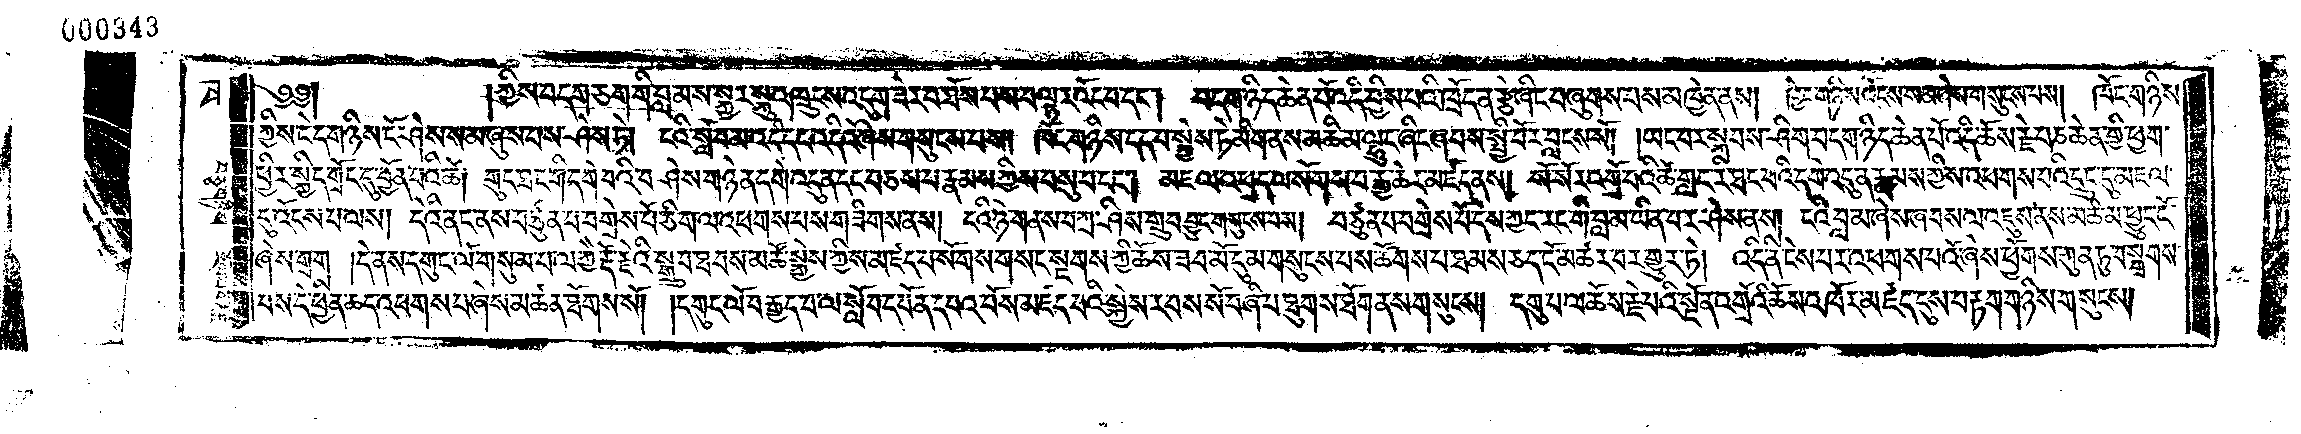༄༅། །ཀྱིས་བདག་ཅག་གི་བླ་མས་སྐྱར་སྐུ་འཁྲུངས་འདུག་ཟེར་བ་ཐོས་པས་བལྟར་འོང་བ་དང་། བདག་ཉིད་ཆེན་པོ་འདི་བྱིས་པའི་ཁྲོད་ན་རྩེ་ཞིང་བཞུགས་པས་མཁྱེན་ནས། ཁྱེད་གཉིས་འོངས་སམ་ཞེས་གསུངས་པས། ཁོང་གཉིས་
ཀྱིས་ངེད་གཉིས་ངོ་ཤེས་སམ་ཞུས་པས་ཤེས་ཏེ། ངའི་སློབ་མ་འདི་དང་འདིའོ་ཞེས་གསུངས་པས། ཁོང་གཉིས་དད་པ་སྐྱེས་ཏེ་མིག་ནས་མཆི་མ་ལྷུང་ཞིང་ཞབས་སྤྱི་བོར་བླངས་སོ། །ཡང་བར་སྐབས་ཤིག་བདག་ཉིད་ཆེན་པོ་འདི་ཆོས་རྗེ་པཎ་ཆེན་གྱི་ཕྱག་
ཕྱིར་སྐྱིད་གྲོང་དུ་བྱོན་པའི་ཚེ། གུང་ཐང་གི་དགེ་བའི་བཤེས་གཉེན་དགེ་འདུན་དང་བཅས་པ་རྣམས་ཀྱིས་བསུ་བ་དང་། མཇལ་འཕྲད་ལ་སོགས་པ་རྒྱ་ཆེར་མཛད་ནས། སོ་སོར་འགྲོ་བའི་ཚེ་གླང་རི་ཐང་པའི་དགེ་འདུན་རྣམས་ཀྱིས་འཕགས་པའི་དྲུང་དུ་མཇལ་
དུ་འོངས་པ་ལས། དེའི་ནང་ནས་བཙུན་བ་བགྲེས་པོ་ཅིག་ལ་འཕགས་པས་གཟིགས་ནས། ངའི་ཉེ་གནས་བཀྲ་ཤིས་གྲུབ་བྱུང་གསུངས་པས། བཙུན་པ་བགྲེས་པོ་དེས་ཀྱང་རང་གི་བླ་མ་ཡིན་པར་ཤེས་ནས། ངའི་བླ་མ་ཞེས་ཞབས་ལ་འཇུས་ནས་མཆི་མ་ཕྱུང་ངོ་
ཞེས་གྲག །དེ་ནས་དགུང་ལོ་གསུམ་པ་ལ་ཀྱཻ་རྡོ་རྗེའི་སྒྲུབ་ཐབས་མཚོ་སྐྱེས་ཀྱིས་མཛད་པ་སོགས་གསང་སྔགས་ཀྱི་ཆོས་ཟབ་མོ་དུ་མ་གསུངས་པས་ཚོགས་པ་ཐམས་ཅད་ངོ་མཚར་བར་གྱུར་ཏེ། འདི་ནི་ངེས་པར་འཕགས་པའོ་ཞེས་ཕྱོགས་ཀུན་ཏུ་བསྒྲགས་
པས་དེ་ཕྱིན་ཆད་འཕགས་པ་ཞེས་མཚན་ཐོགས་སོ། །དགུང་ལོ་བརྒྱད་པ་ལ་སློབ་དཔོན་དཔའ་བོས་མཛད་པའི་སྐྱེས་རབས་སོ་བཞི་པ་ཐུགས་ཐོག་ནས་གསུངས། དགུ་པ་ལ་ཆོས་རྗེ་པའི་སྔོན་འགྲོའི་ཆོས་འཁོར་མཛད་དུས་བརྟག་གཉིས་གསུངས།